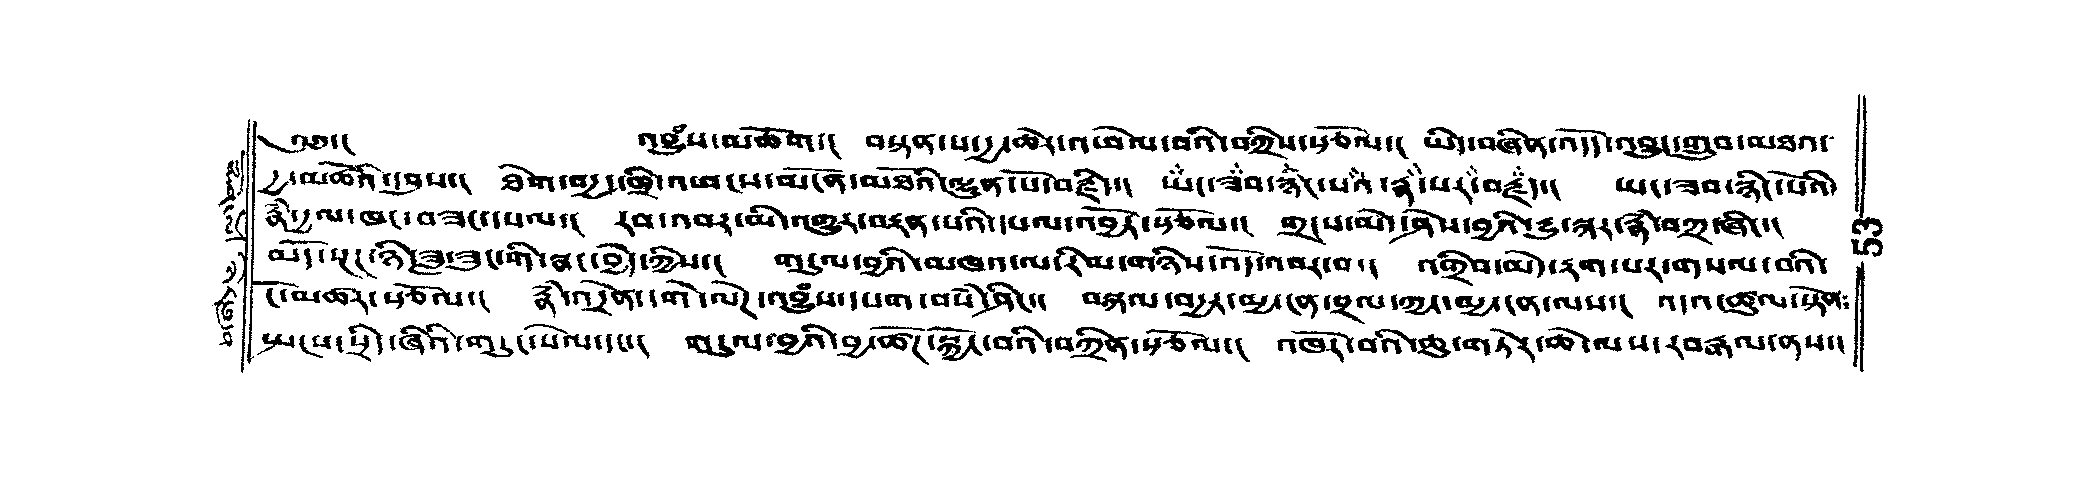འབྱུང་གནས་མཆོག །བསྟན་པ་རྒྱ་ཆེར་འཕེལ་བའི་བཀྲ་ཤིས་སྩོལ། །ཡིད་བཞིན་འདོད་འབྱུང་གྲུབ་མཐའ་
རྒྱ་མཚོའི་དབུས། །ཐེག་བརྒྱད་ཁྲི་འཕང་མངོན་མཐོའི་ལྷུན་པོ་བརྗིད། །ཡང་ཟབ་སྙིང་པའི་རྣམ་པར་བརྗོད་ ཡང་ཟབ་སྙིང་པོའི་
རྣམ་རྒྱལ་ཁང་བཟང་དཔལ། །རབ་འབར་མི་འགྱུར་བརྟན་པའི་དཔལ་འབྱོར་སྩོལ། །གྲངས་མེད་ཤེས་བྱའི་རྒྱུ་སྐར་རྣམ་བཀྲ་ཞིང་། །
མདོ་སྔགས་ཉི་ཟླ་ཟུང་གི་སྣང་བྱེད་ཀྱིས། །གདུལ་བྱའི་མཁའ་ལ་རིམ་གཉིས་འོད་འབར་བ། །འགྲིབ་མེད་རྟག་པར་གསལ་བའི་
ངོ་མཚར་སྩོལ། །རྣམ་འདྲེན་དགེ་ལེགས་འབྱུང་གནས་དཔག་བསམ་ཤིང་། །བསྐལ་བརྒྱར་མྱ་ངན་བྲལ་ཀྱང་མྱ་ངན་ལས། །འདའ་ཚུལ་སྟོན་
སྤངས་སྲིད་ཞིའི་གདུང་སེལ་དང་། །གདུལ་བྱའི་བྱ་ཚོགས་སྐྱོང་བའི་བཀའ་དྲིན་སྩོལ། །འཁོར་བའི་ཆུ་གཏེར་ཆེ་ལས་རབ་བརྒལ་ནས།